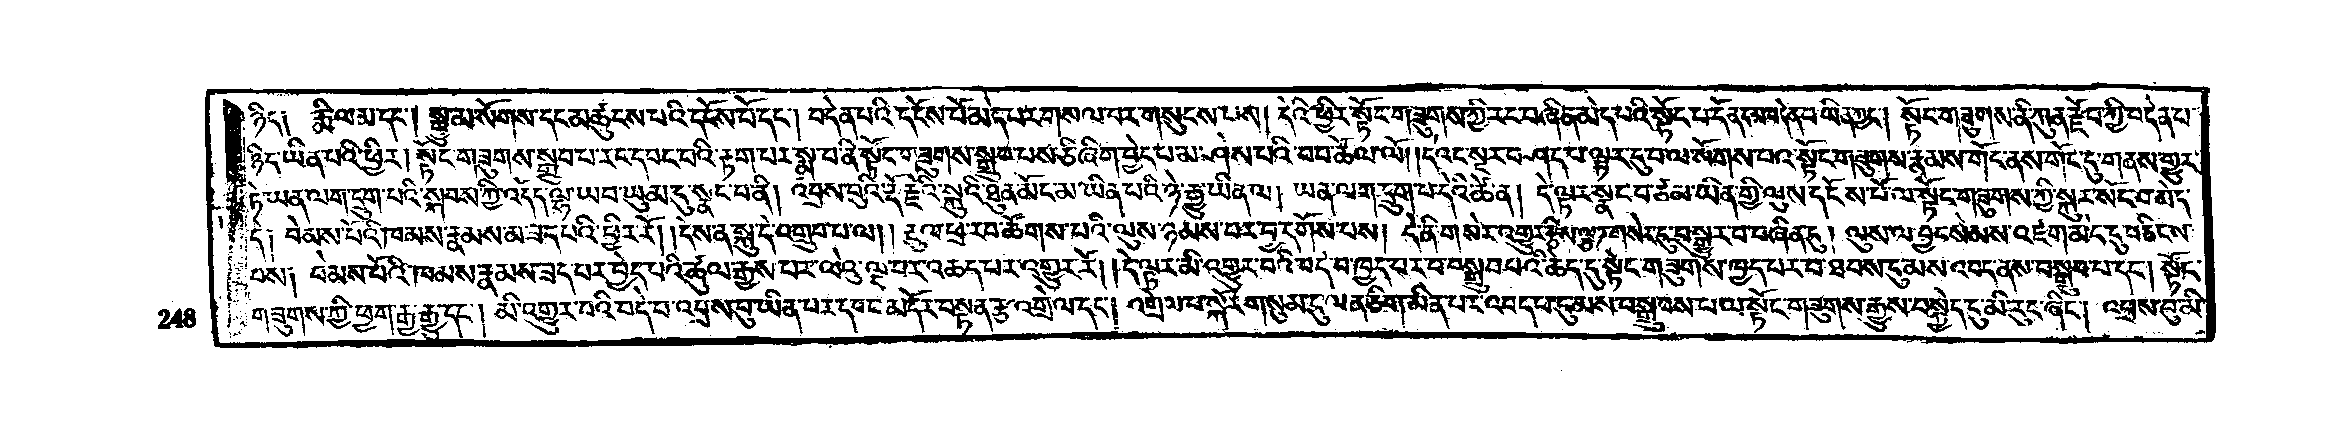ཉིད། རྨི་ལམ་དང་། སྒྱུ་མ་སོགས་དང་མཚུངས་པའི་དངོས་པོ་དང་། བདེན་པའི་དངོས་པོ་མེད་པར་གསལ་བར་གསུངས་པས། དེའི་ཕྱིར་སྟོང་གཟུགས་ཀྱི་རང་བཞིན་མེད་པའི་སྟོང་པ་དོན་དམ་བདེན་པ་ཡིན་ཀྱང་། སྟོང་གཟུགས་ནི་ཀུན་རྫོབ་ཀྱི་བདེན་པ་
ཉིད་ཡིན་པའི་ཕྱིར། སྟོང་གཟུགས་སྒྲུབ་པ་རང་དབང་བའི་རྟག་པར་སྨྲ་བ་ནི་སྟོང་གཟུགས་སྒྲུབ་པས་ཅི་ཞིག་བྱེད་པ་མ་ཤེས་པའི་བབ་ཆོལ་ལོ། །དེའང་སྔར་བཤད་པ་ལྟར་དུ་བ་ལ་སོགས་པའི་སྟོང་གཟུགས་རྣམས་གོང་ནས་གོང་དུ་གནས་གྱུར་
ཏེ་ཡན་ལག་དྲུག་པའི་སྐབས་ཀྱི་འདོད་ལྷ་ཡབ་ཡུམ་དུ་སྣང་བ་ནི། འབྲས་བུའི་རྡོ་རྗེའི་སྐུའི་ཐུན་མོང་མ་ཡིན་པའི་ཉེ་རྒྱུ་ཡིན་ལ། ཡན་ལག་དྲུག་པ་དེའི་ཚེ་ན། དེ་ལྟར་སྣང་བ་ཙམ་ཡིན་གྱི་ལུས་དངོས་པོ་ལ་སྟོང་གཟུགས་ཀྱི་སྐུར་སོང་བ་མེད་
དེ། བེམས་པོའི་ཁམས་རྣམས་མ་ཟད་པའི་ཕྱིར་རོ། །དེས་ན་སྐུ་དེ་འགྲུབ་པ་ལ། །རྡུལ་ཕྲ་རབ་ཚོགས་པའི་ལུས་ཉམས་པར་བྱ་དགོས་པས། དེ་ནི་གསེར་འགྱུར་རྩིས་ལྕགས་གསེར་དུ་བསྒྱུར་བ་བཞིན་དུ། ལུས་ལ་བྱང་སེམས་འཛག་མེད་དུ་བཅིངས་
པས། བེམས་པོའི་ཁམས་རྣམས་ཟད་པར་བྱེད་པའི་ཚུལ་རྒྱས་པར་ལེའུ་ལྔ་པར་འཆད་པར་འགྱུར་རོ། །དེ་ལྟར་མི་འགྱུར་བའི་བདེ་བ་ཁྱད་པར་བ་བསྒྲུབ་པའི་ཆེད་དུ་སྟོང་གཟུགས་ཁྱད་པར་བ་ཐབས་དུ་མས་འབད་ནས་བསྒྲུབ་པ་དང་། སྟོང་
གཟུགས་ཀྱི་ཕྱག་རྒྱ་རྒྱུ་དང་། མི་འགྱུར་བའི་བདེ་བ་འབྲས་བུ་ཡིན་པར་དབང་མདོར་བསྟན་རྩ་འགྲེལ་དང་། འགྲེལ་པ་སྐོར་གསུམ་དུ་ལན་ཅིག་མིན་པར་འབད་པ་དུ་མས་བསྒྲུབས་པ་ལ་སྟོང་གཟུགས་རྒྱུས་བསྐྱེད་དུ་མི་རུང་ཞིང་། འབྲས་བུ་མི་